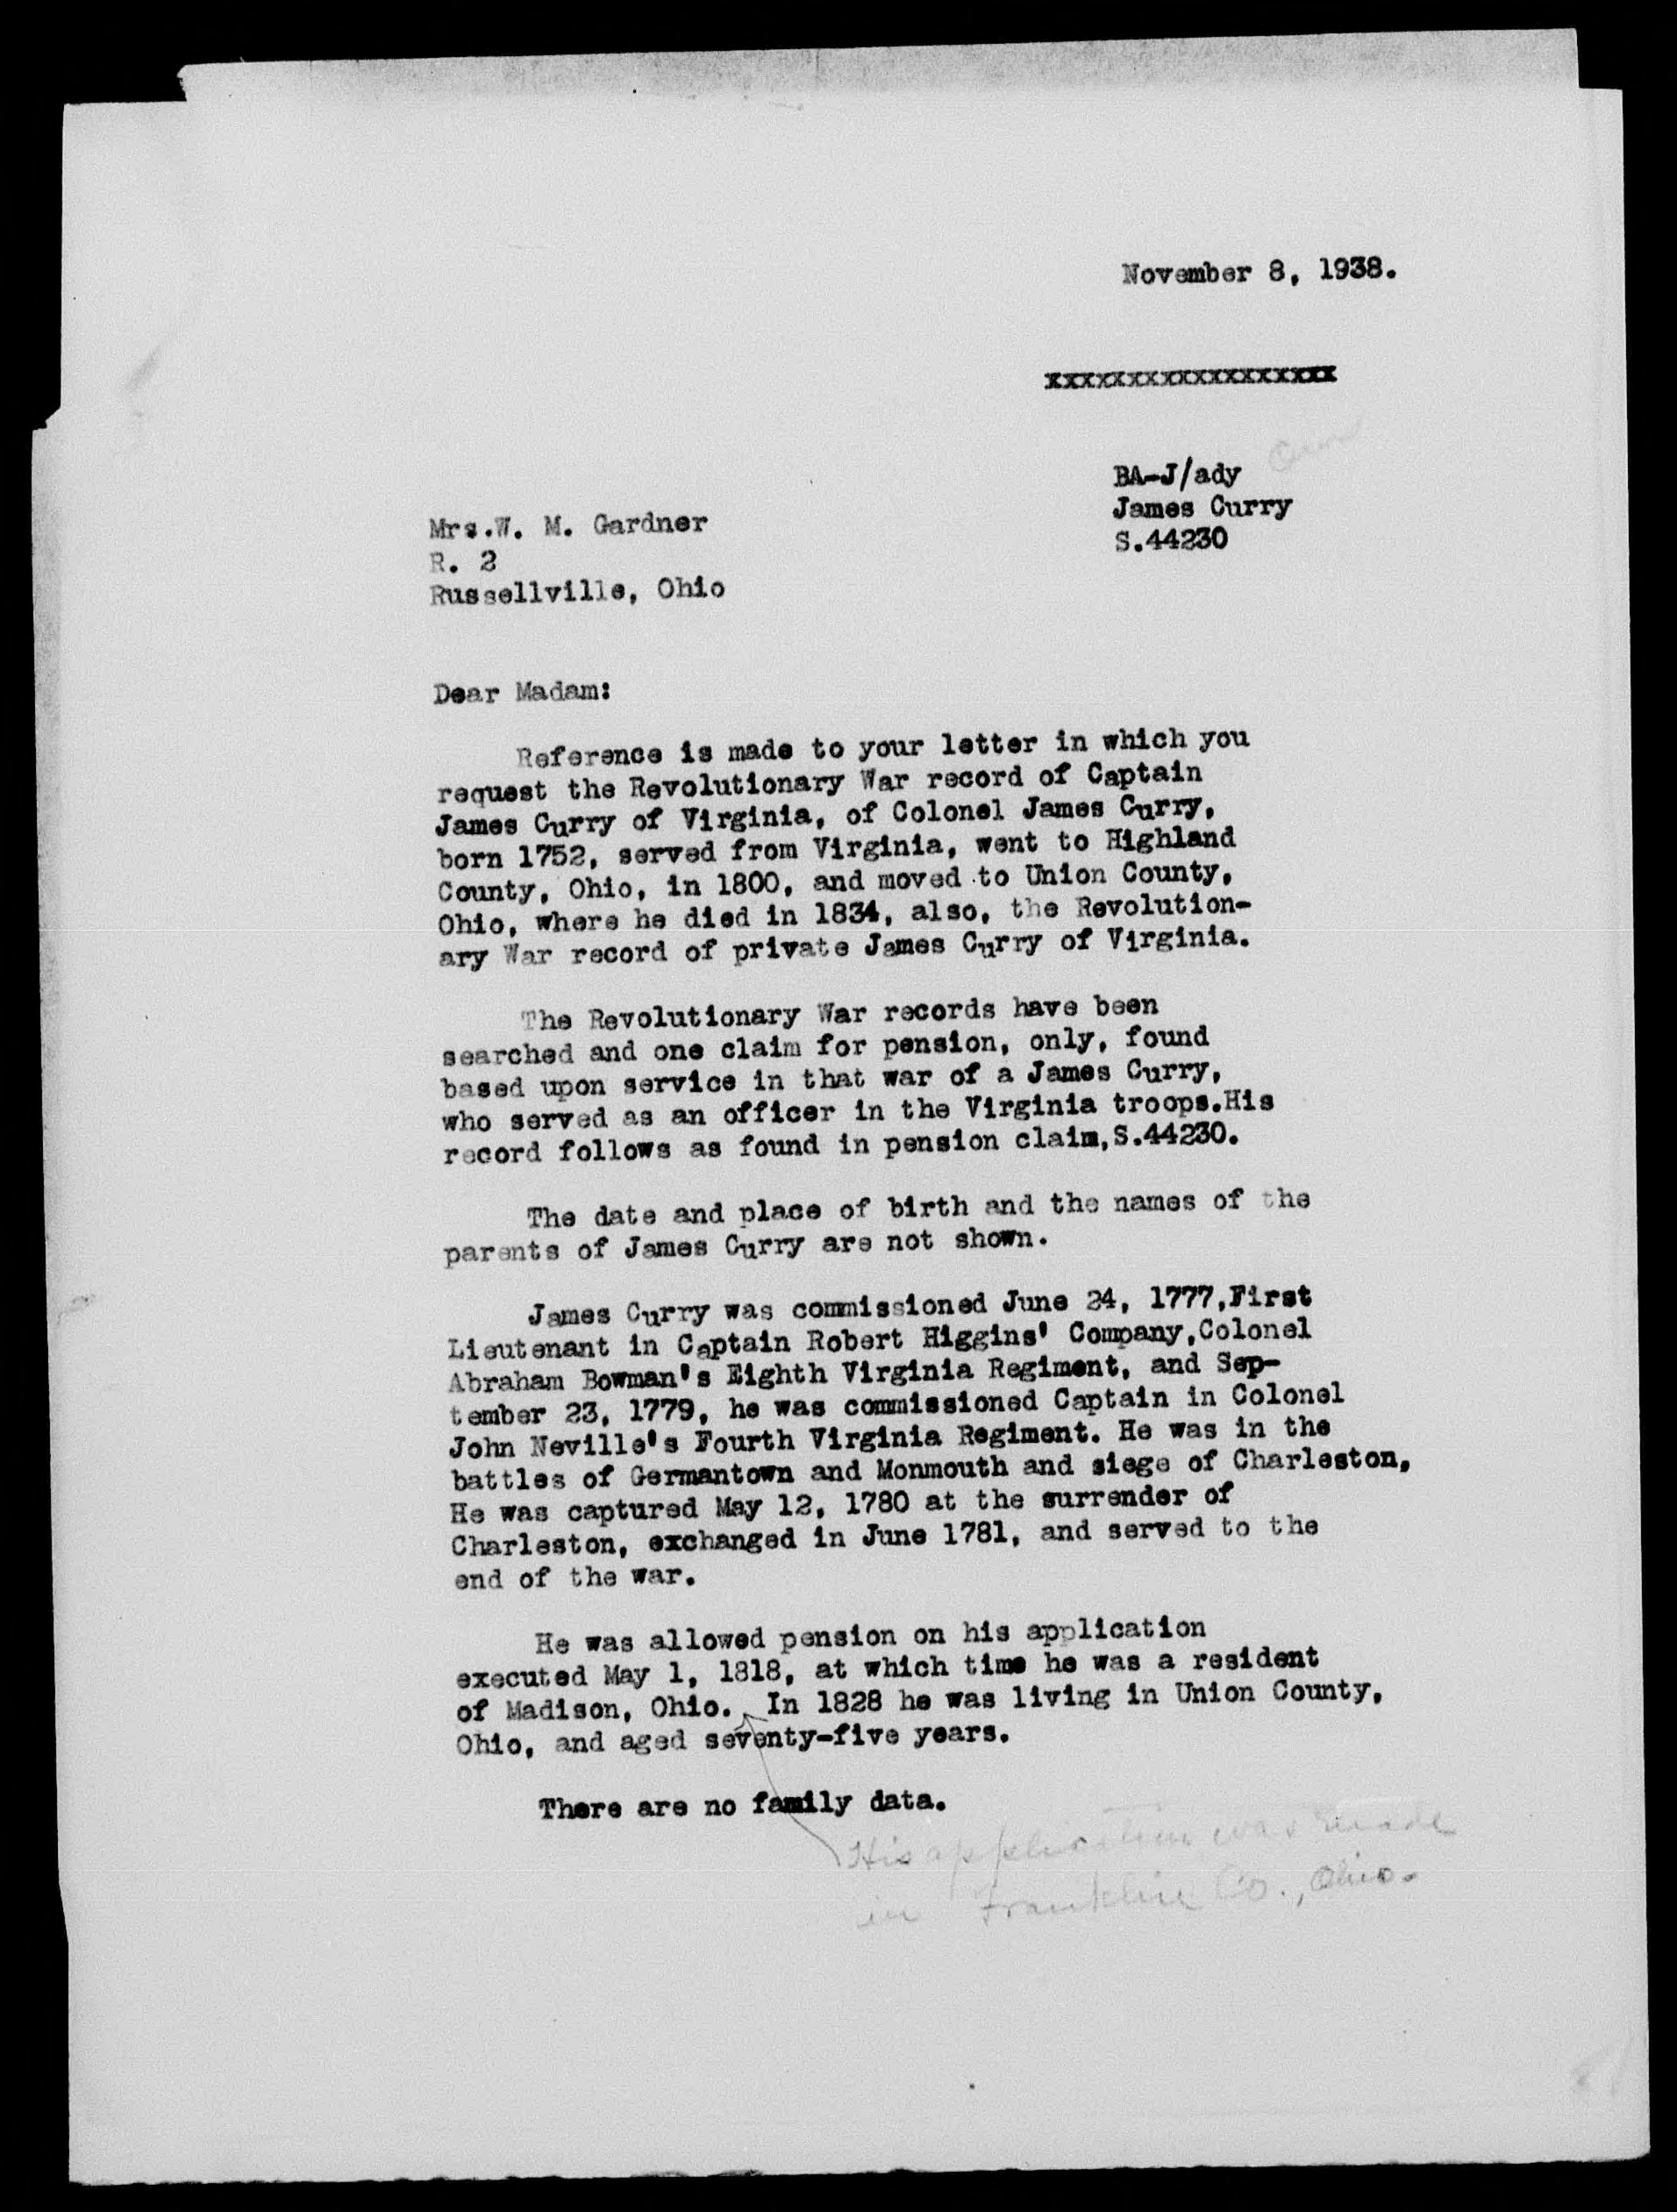November 8, 1938
BA-J/ady
James Curry
S.44230

Mrs. W.M. Gardner
R. 2
Russellville, Ohio

Dear Madam:

Reference is made to your letter in which you request the Revolutionary War record of Captain James Curry of Virginia, of Colonel James Curry, born 1752, served from Virginia, went to Highland County, Ohio, in 1800, and moved to Union County, Ohio, where he died in 1834, also, the Revolutionary War record of private James Curry of Virginia.

The Revolutionary War records have been searched and one claim for pension, only, found based upon service in that war of a James Curry, who served as an officer in the Virginia troops.  His record follows as found in pension claim, S.44230.

The date and place of birth and the names of the parents of James Curry are not shown.

James Curry was commissioned June 24, 1777, First Lieutenant in Captain Robert Higgins' Company, Colonel Abraham Bowman's Eighth Virginia Regiment, and September 23, 1779, he was commissioned Captain in Colonel John Neville's Fourth Virginia Regiment.  He was in the battles of Germantown and Monmouth and the siege of Charleston.  He was captured May 12, 1780 at the surrender of Charleston, exchanged in June 1781, and served to the end of the war.

He was allowed pension on his application executed May 1, 1818, at which time he was a resident of Madison, Ohio.  [Handwritten  His application was made in Franklin Co., Ohio.}  In 1828 he was living in Union County, Ohio, and aged seventy-five years.

There are no family data.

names: James Curry, James Curry, James Curry, James Curry, James Curry, James Curry, James Curry, W M Gardner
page: 8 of 32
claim: survivor's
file: S. 44230, James Curry, Va.